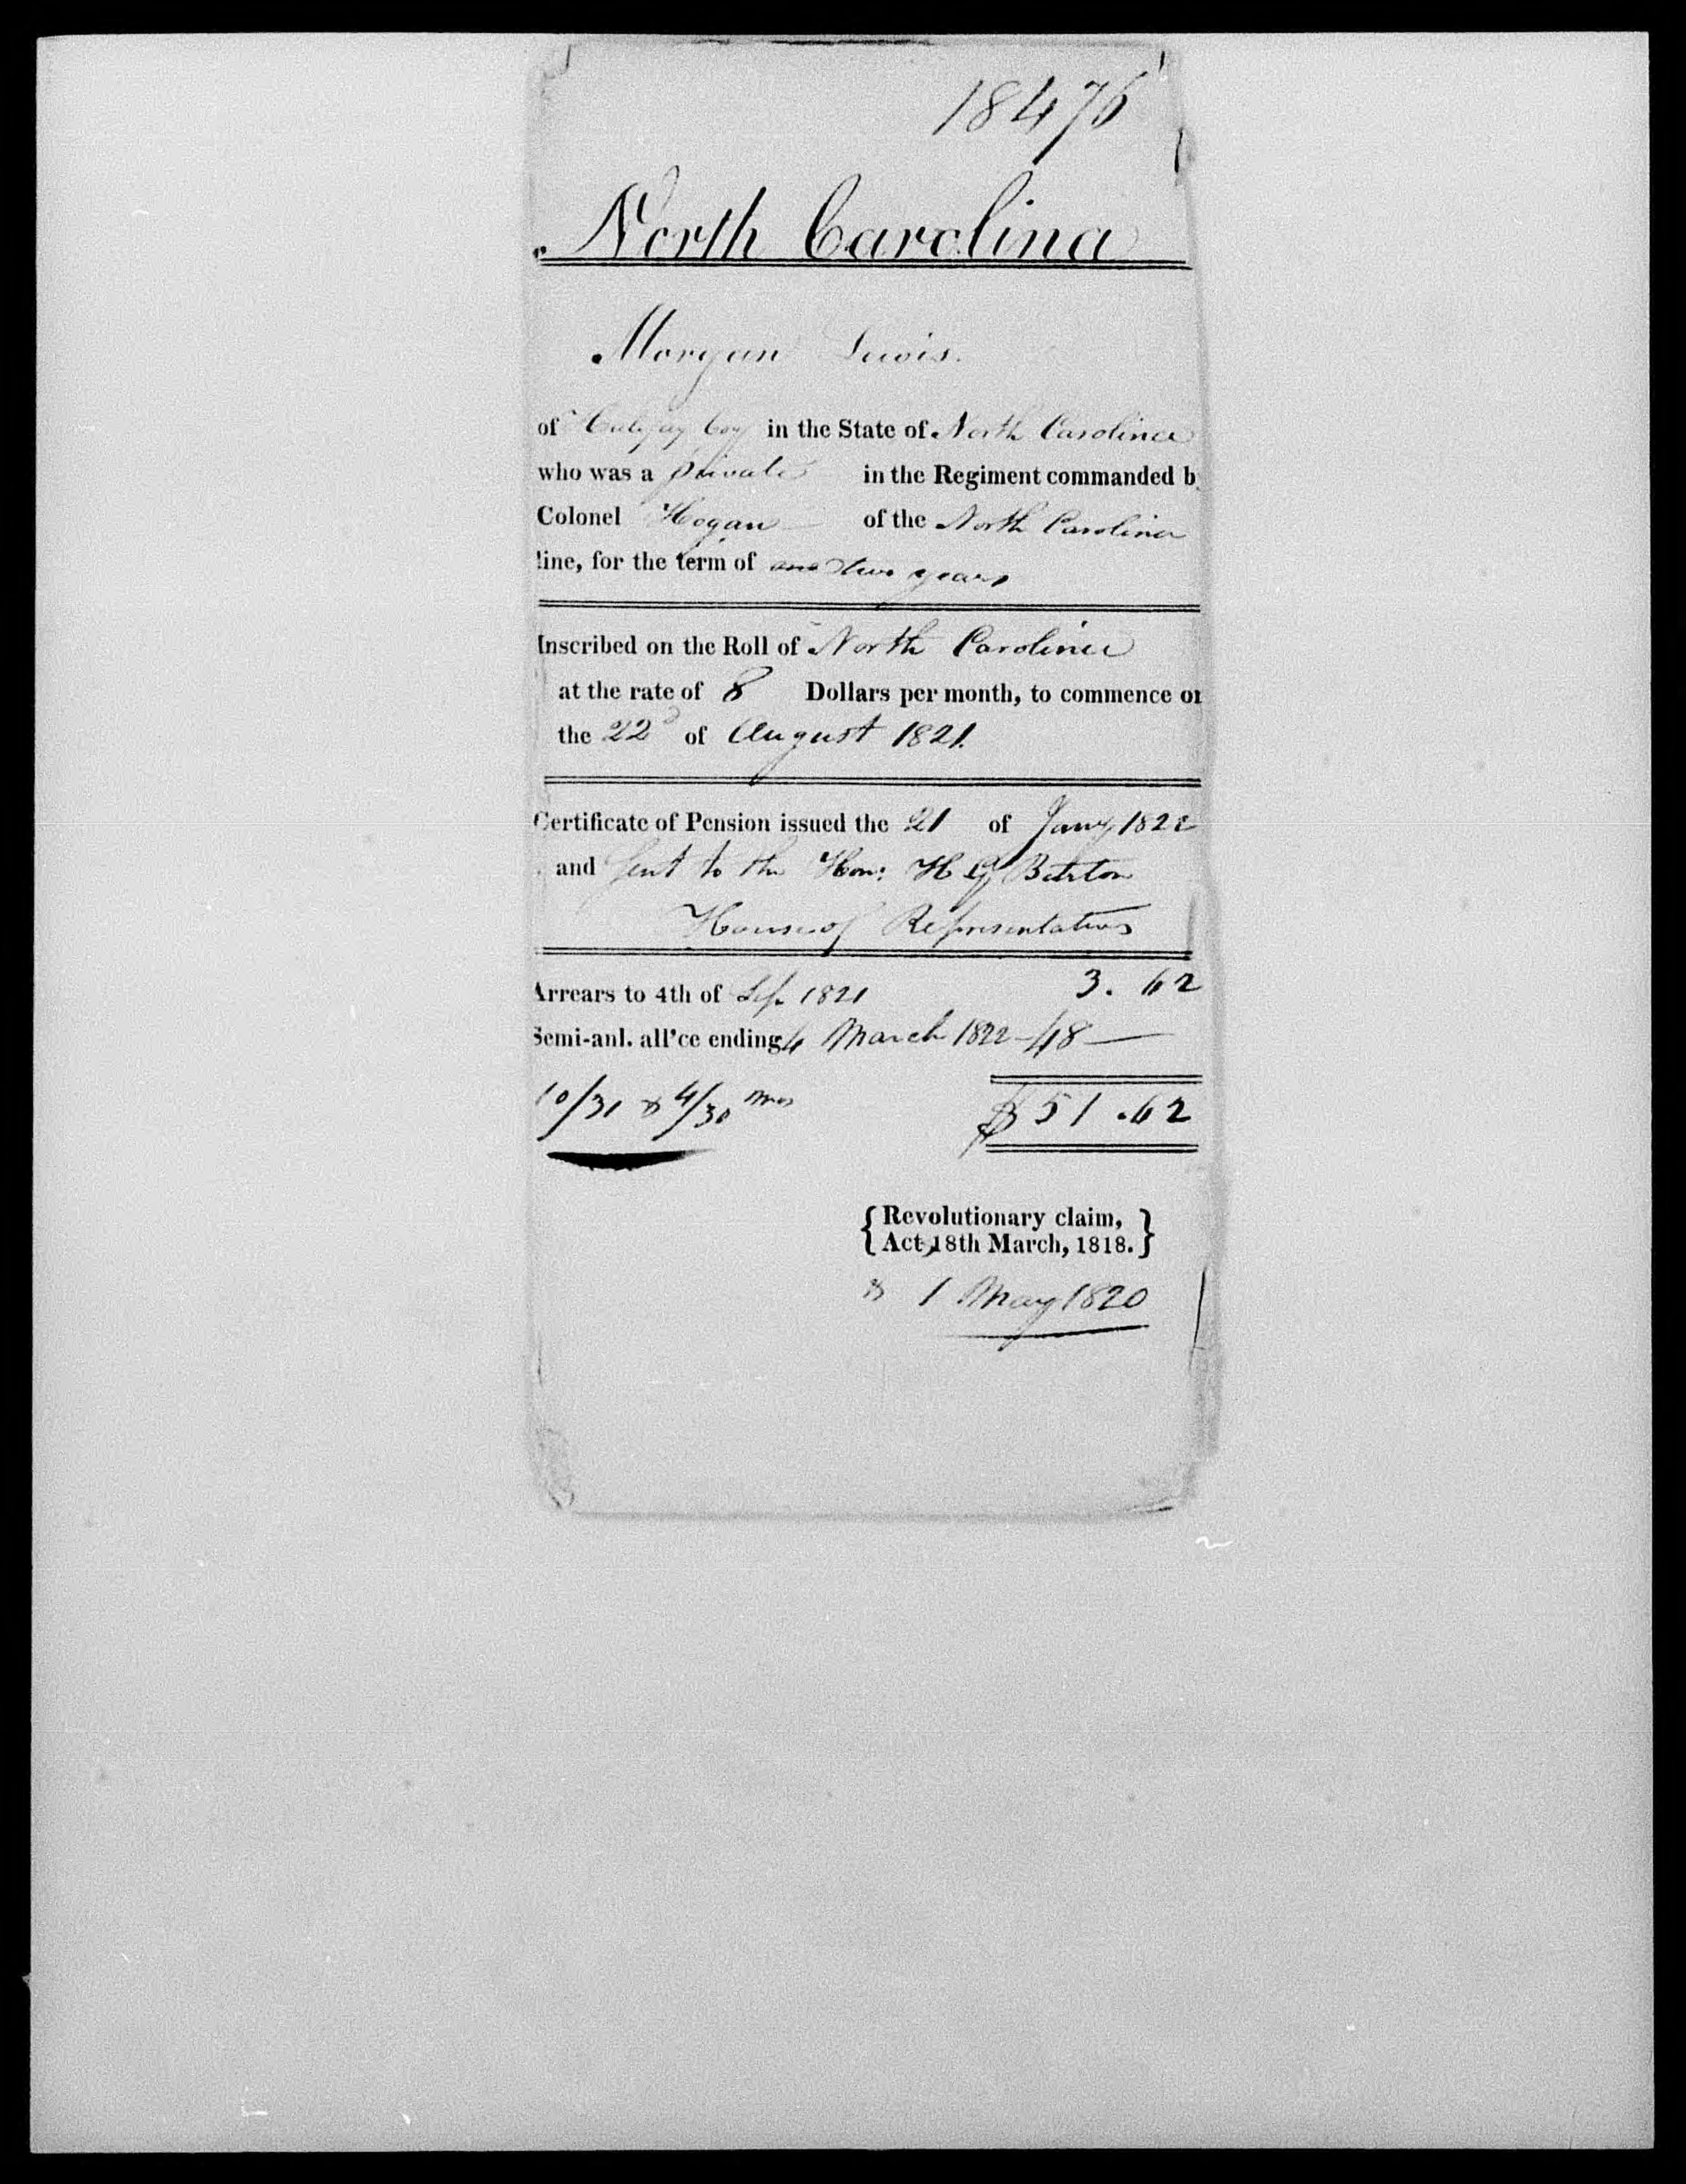18476
North Carolina
Morgan Lewis.
of Galjay Bay [?] in the State of  North Carolina
who was a private in the Regiment commanded by
Colonel Hogan of the North Carolina
line, for the term of one [crossed out] two years
Inscribed on the Roll of North Carolina
at the rate 8 Dollars per month, to commence on
the 22d of August 1821.
Certificate of Pension issued the 21 of Jany 1822
and sent to the Hon. H.G. Burton
House of Representatives
Arrears to 4th of Sep 1821
3.62
Semi-anl. all'ce ending March 1822
48 —
10/31 & 4/30 mos
$51.62
[stamp]
Revolutionary claim,
Act 18th March 1818
& 1 May 1820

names: [BLANK] Hogan; H G Barton; Morgan Lewis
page: 2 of 7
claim: survivor's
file: S. 41766, for Morgan Lewis, North Carolina